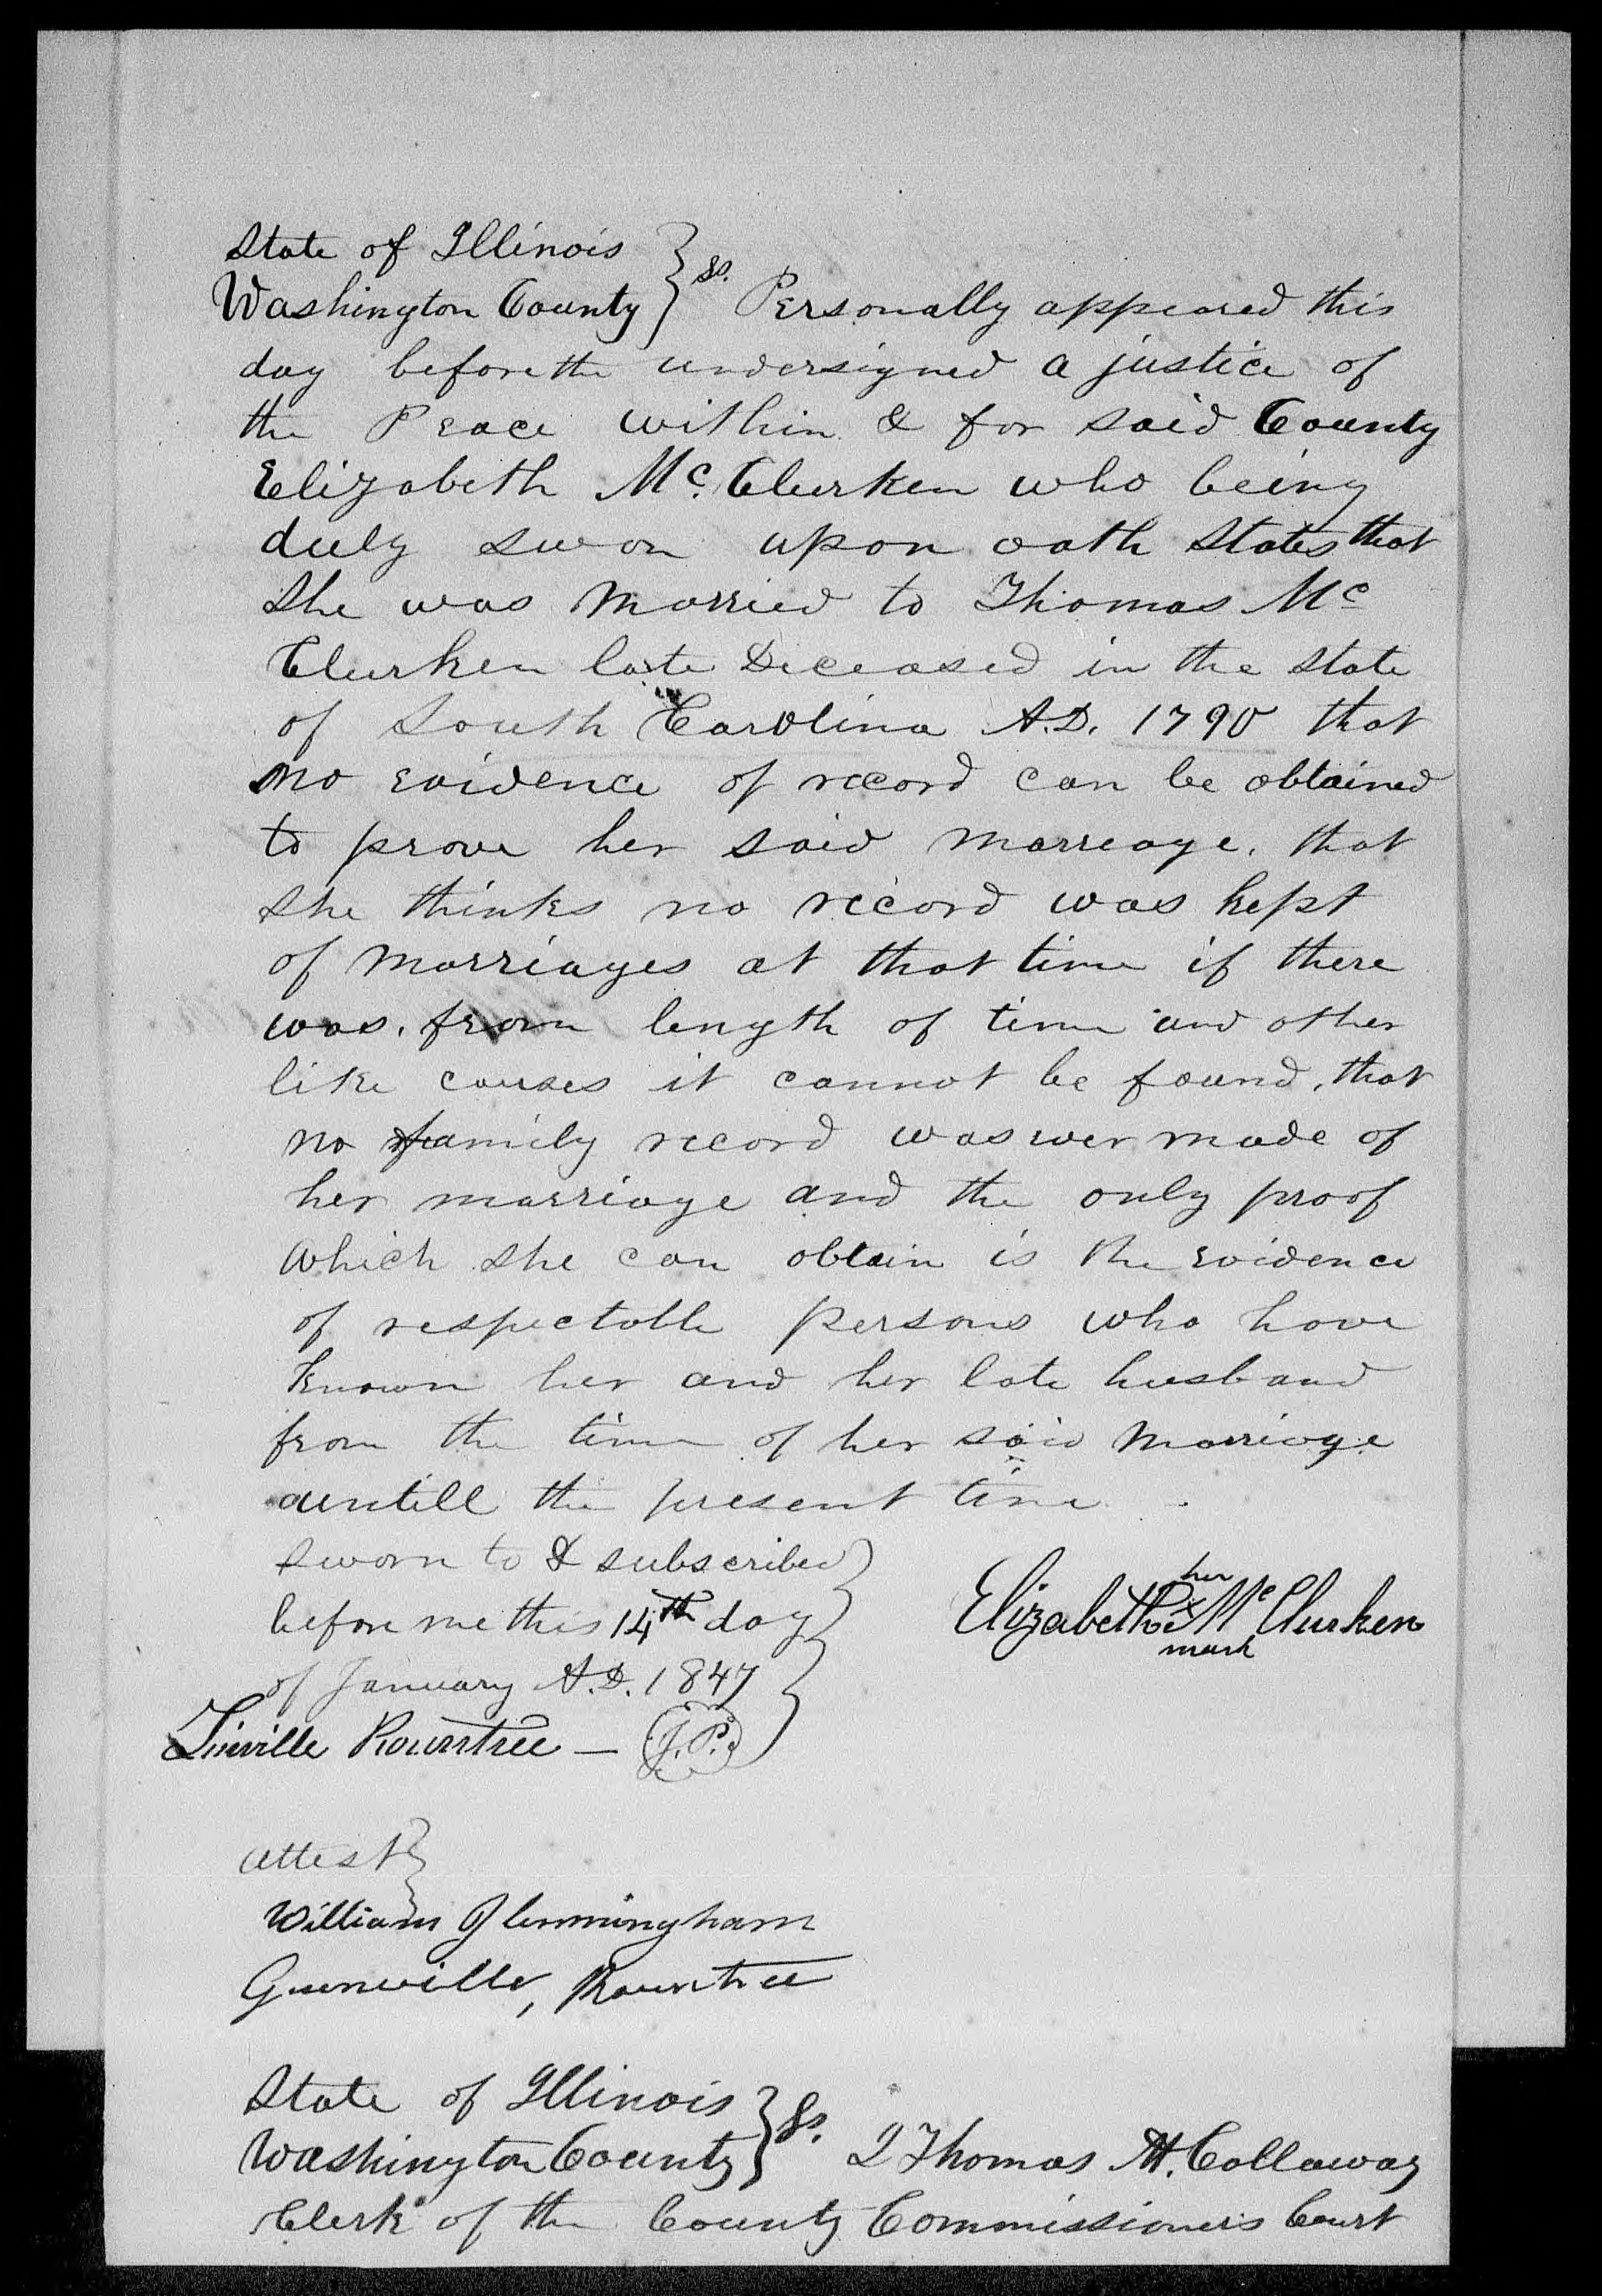State of Illinois} ss
Washington County} 

Personally appeared this 
day before the undersigned a justice of 
the Peace within & for said County 
Elizabeth McClurken who being 
duly sworn upon oath states that 
she was married to Thomas McClurken 
late Deceased in the State 
of  South Carolina A.D. 1790. that 
no evidence of record can be obtained 
to prove her said marriage, that 
she thinks no record was kept 
of Marriages at that time if there 
was from length of time and other 
like causes it cannot be found, that 
no family record was ever made of 
her marriage and the only proof 
which she can obtain is the evidence 
of respectable persons who have 
known her and her late husband 
from the time of her said marriage 
untill the present time.
Elizabeth McClurken {her mark}

Sworn to & subscribed}
 before me this 14th day}
 of January A.D. 1847}
 Linville Rountree J.P.  

attest}
William Glenningham 
Linville Rountree 

State of Illinois} ss
Washington County} 
I Thomas M. Callaway 
Clerk of the County Commissioners Court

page: 77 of 93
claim: widow's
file: W. 21792, for Thomas Mc Clurken, South Carolina